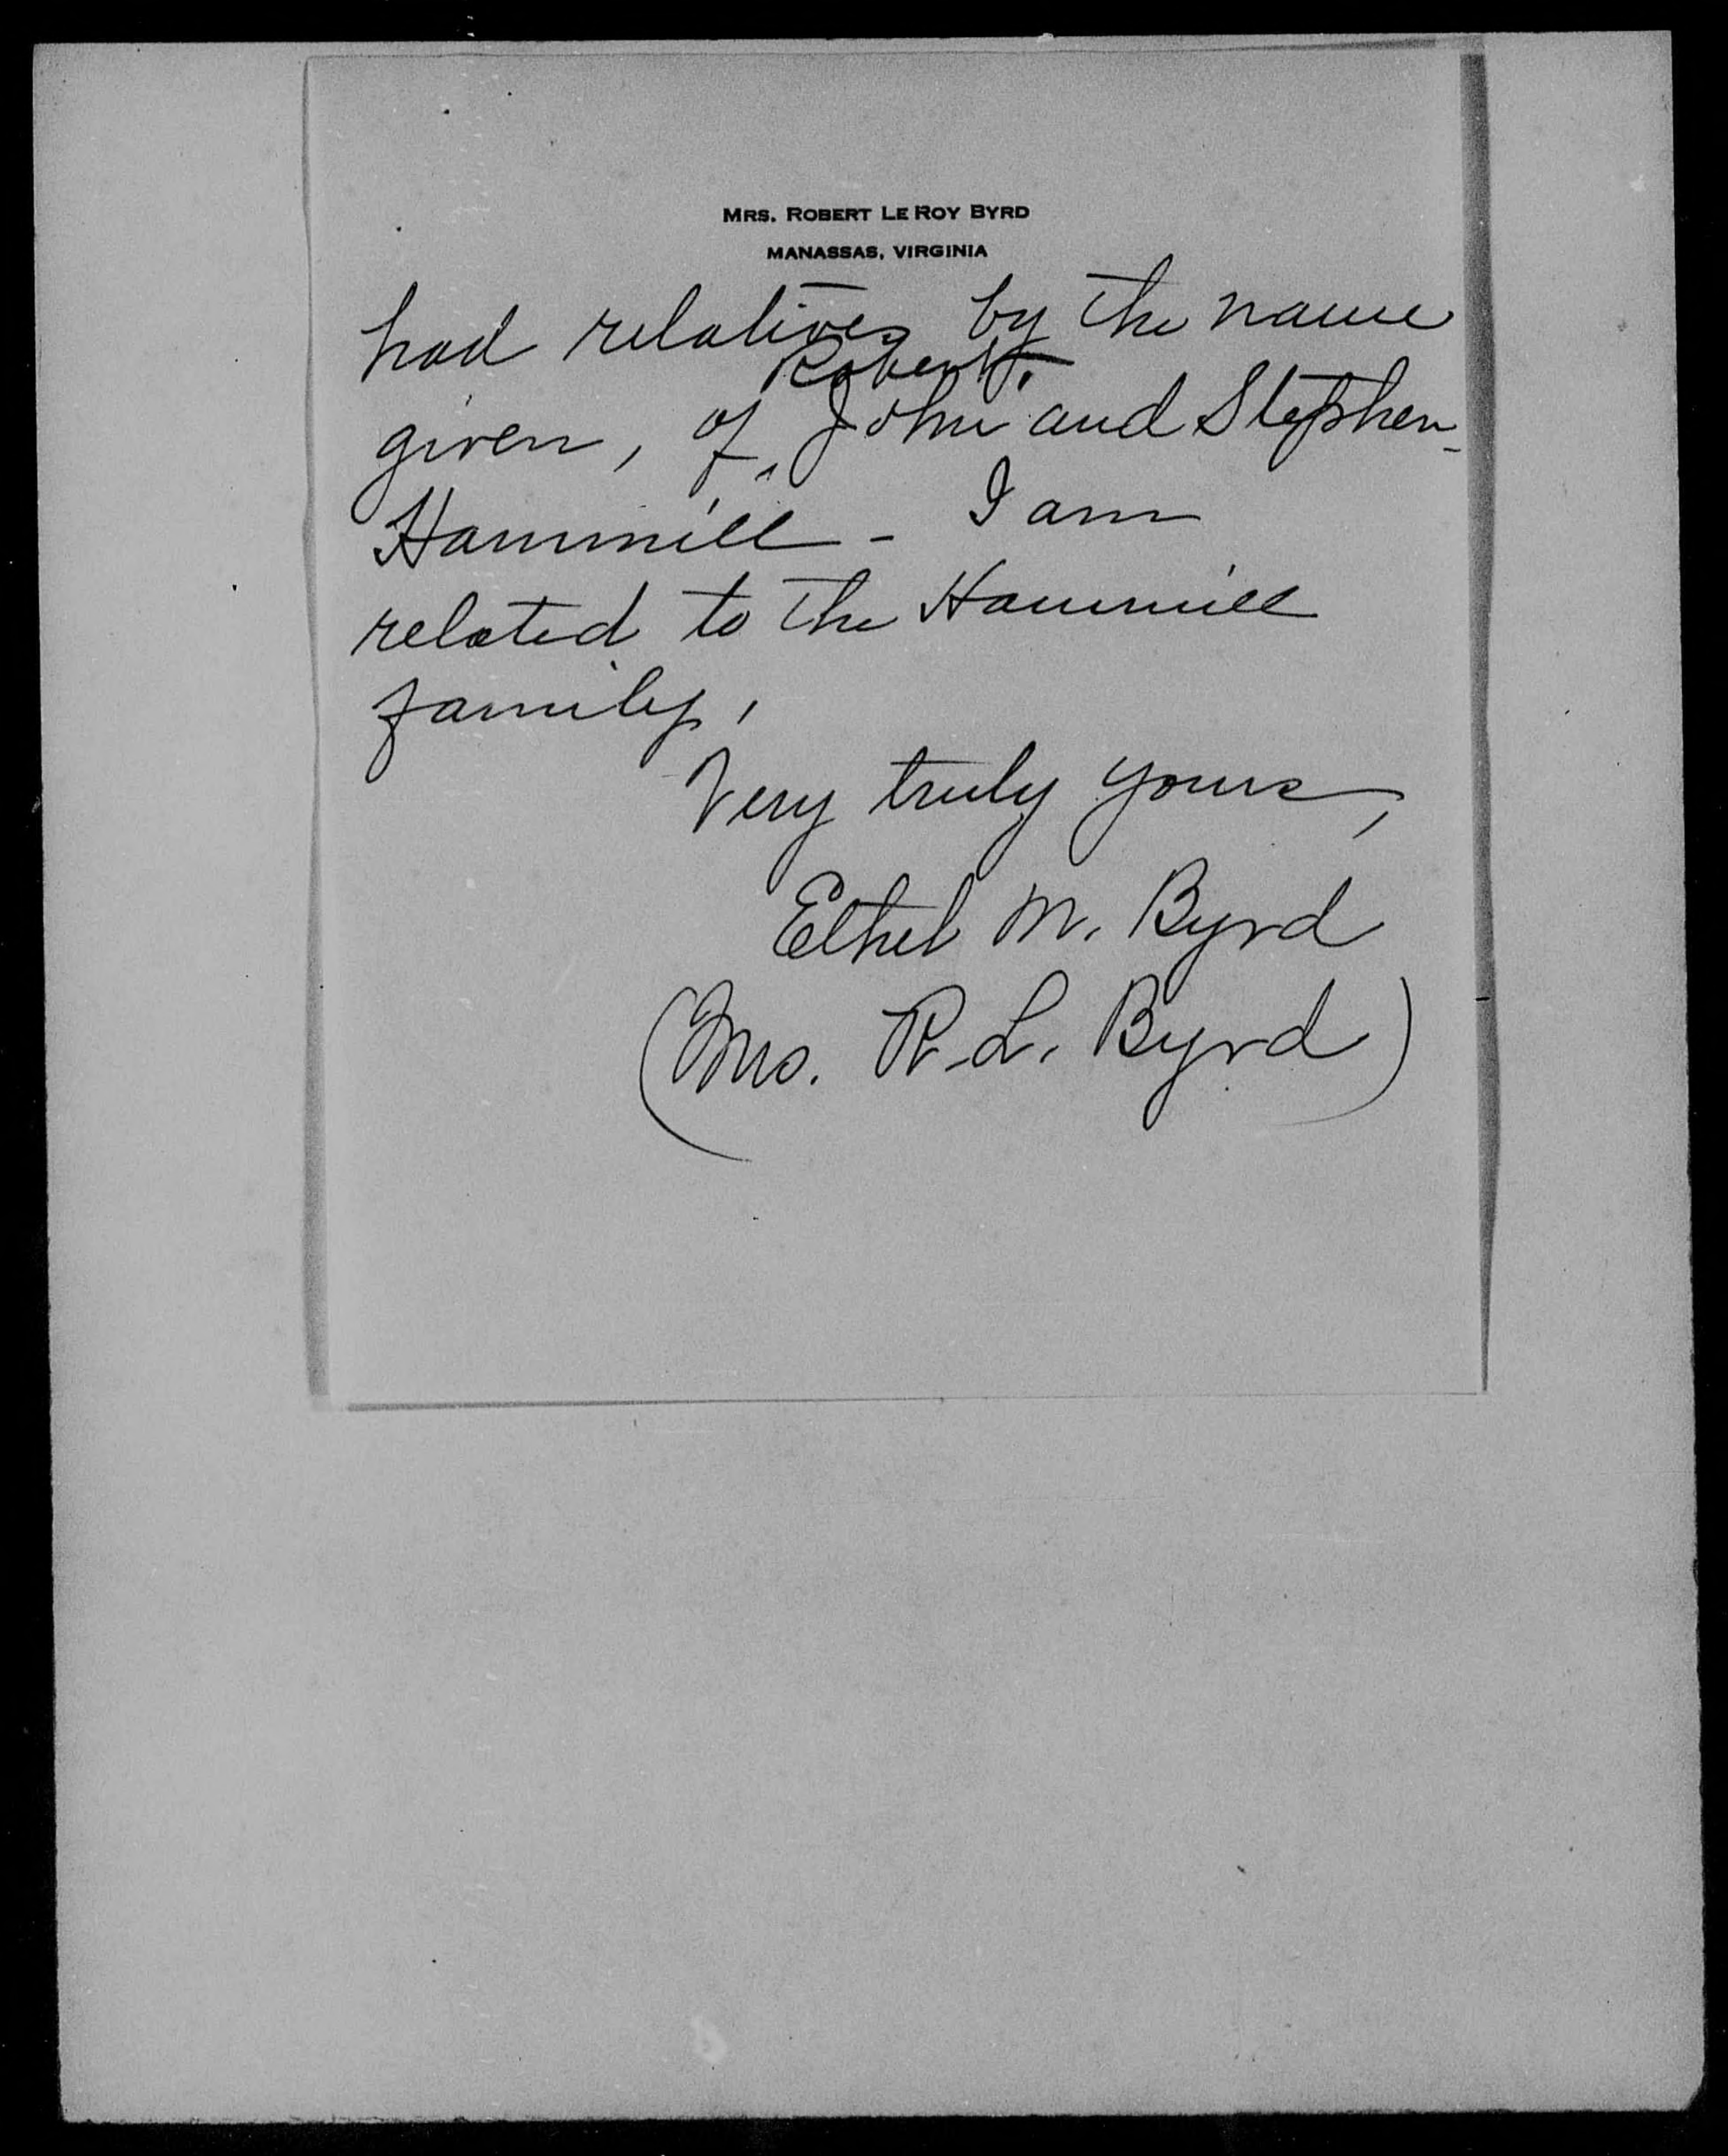MRS. ROBERT LEROY BYRD
MANASSAS, VIRGINIA
had relatives by the name 
given, of Robert, John and Stephen Hammill. I am related to the Hammill family.
Very truly yours,
Ethel M. Byrd
(Mrs. R.L. Byrd)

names: Robert Le Roy Byrd, John Hammill, Robert Hammill, Hammill, Ethel M Byrd, R L Byrd, Stephen Hammill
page: 55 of 92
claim: widow's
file: W 1173, Robert Hamill, Penn.